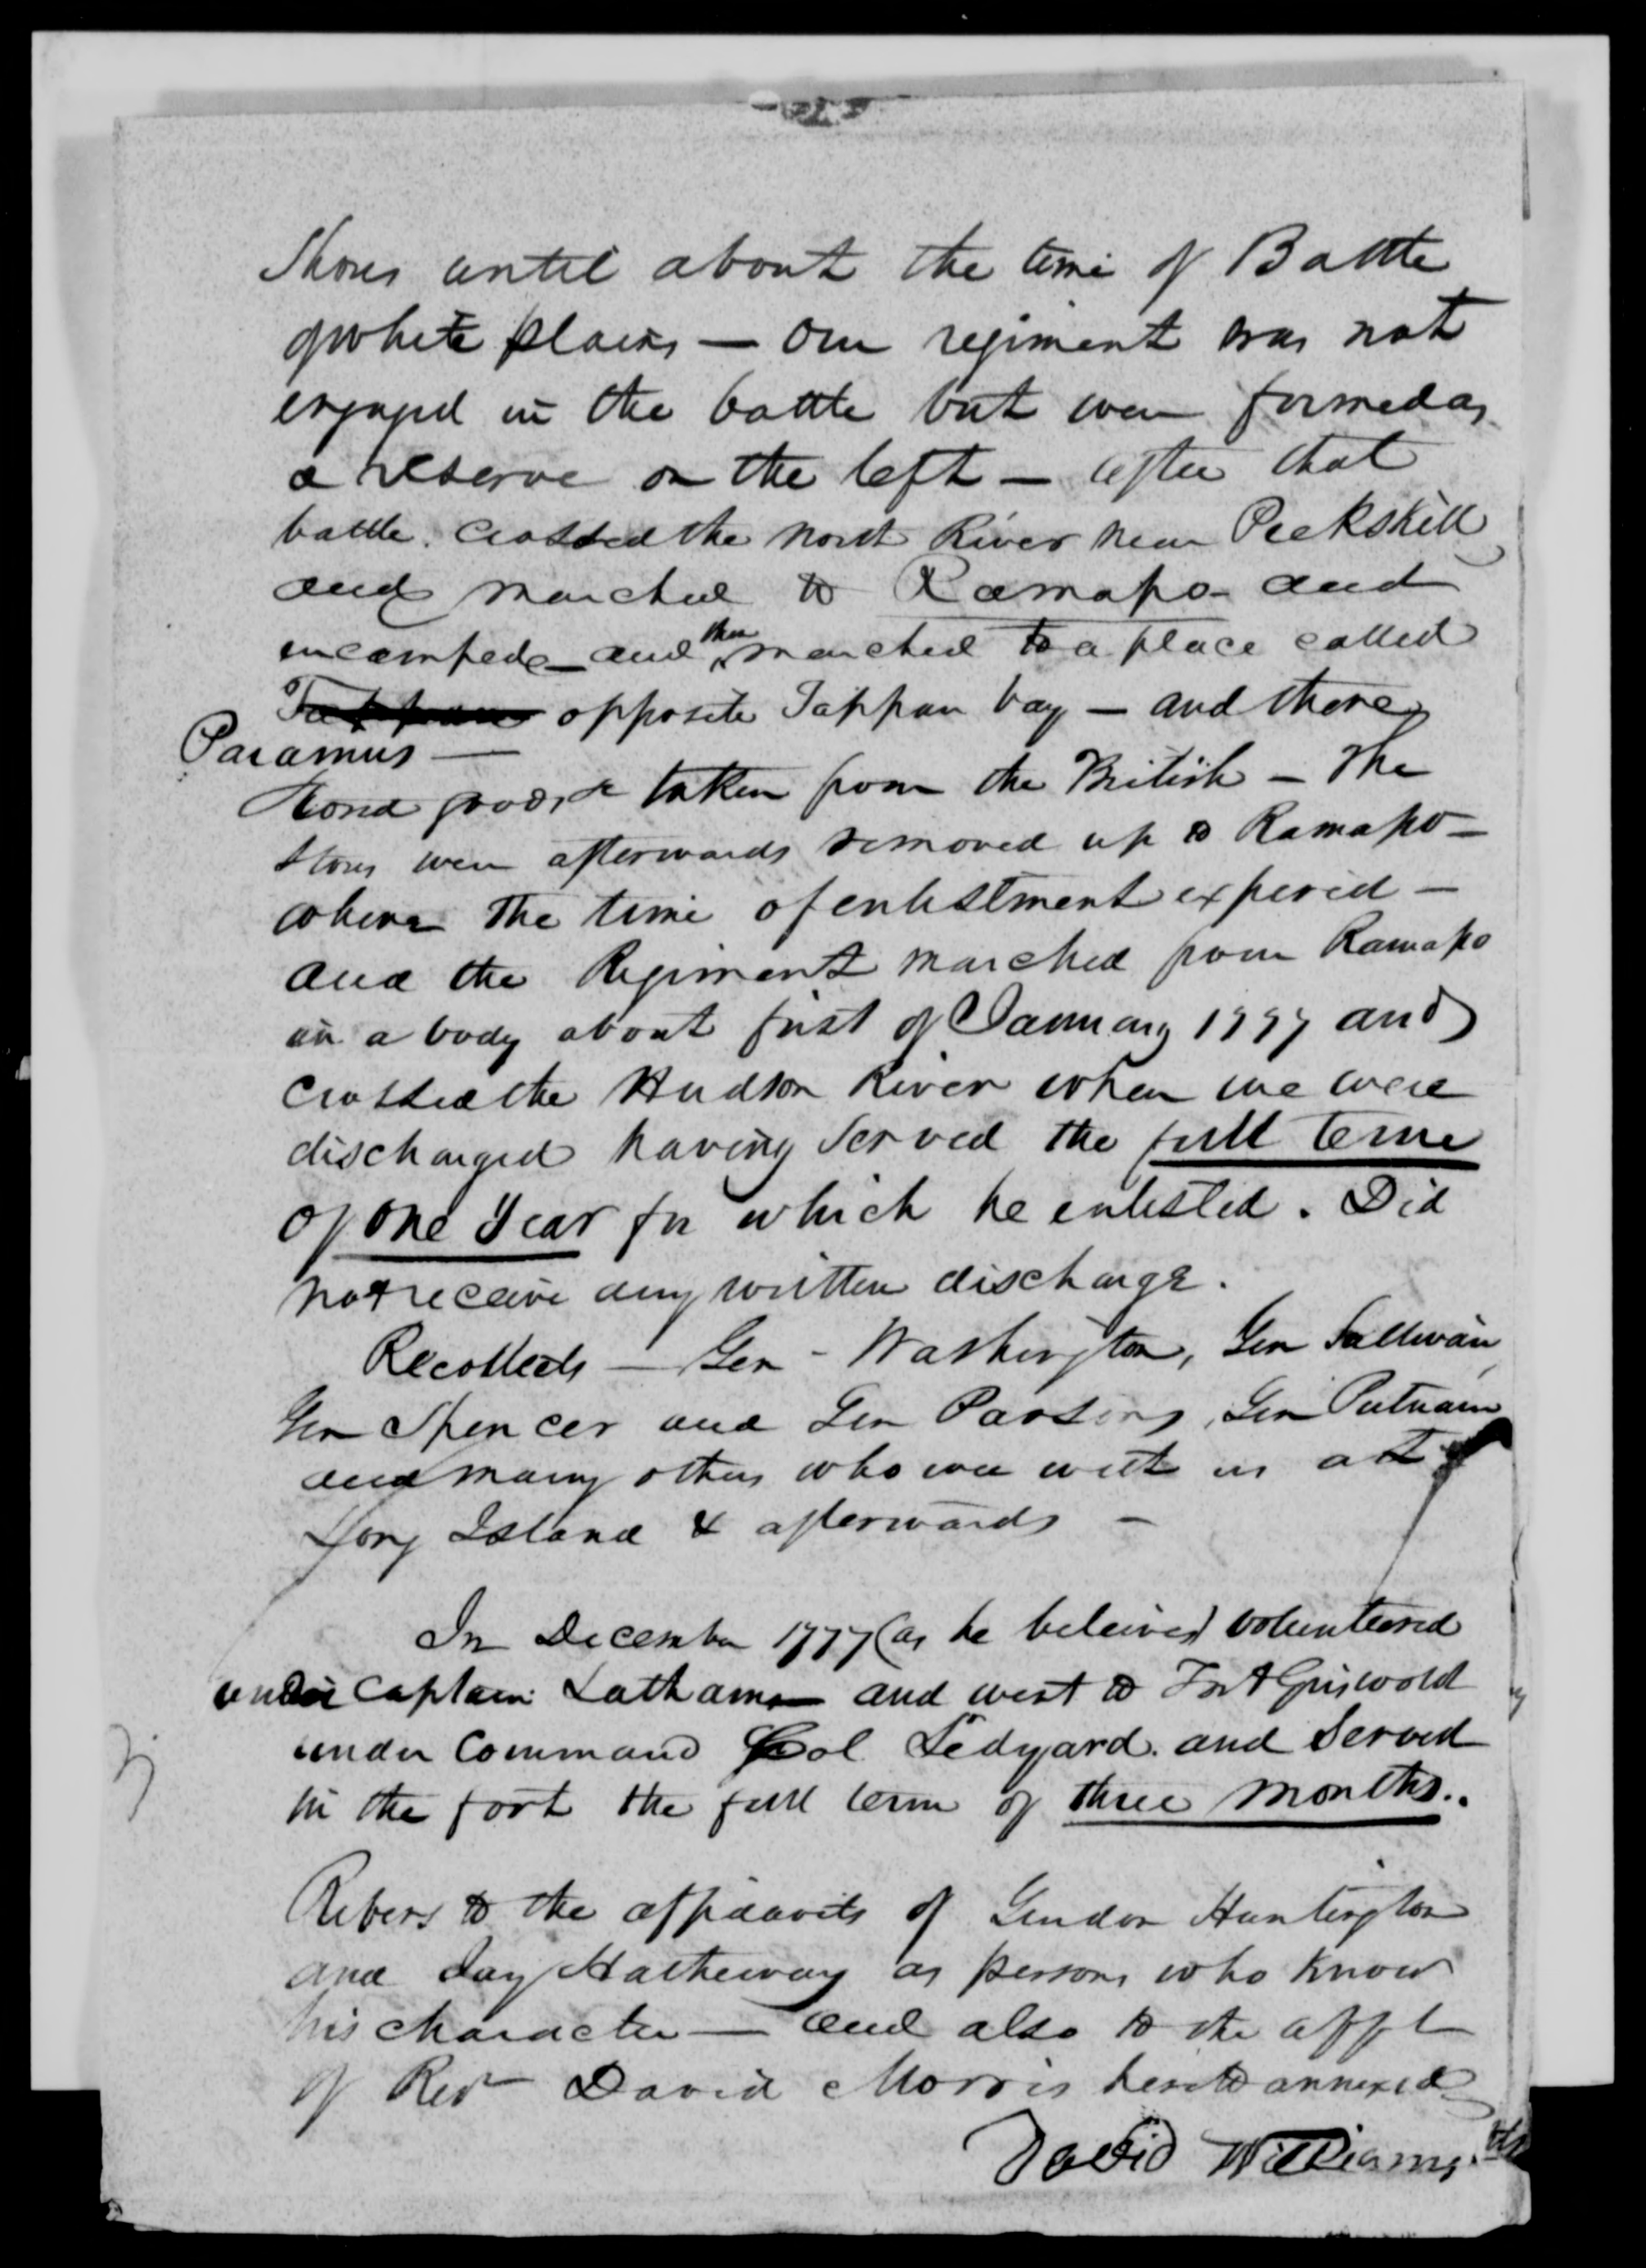Shores until about the time of Battle of White Plains.  Our regiment was not engaged in the battle but were formed as a reserve on the left.  After that battle, crossed the North River near Pickskill and marched to Ramasa and encamped and then marched to a place called Paramus opposite Tappen Bay, and there, some (illegible) taken from the British. The stores were afterwards removed up to Ramaso where the time of enlistment expired, and the Regiment marched from Ramaso in a body about first of January 1777 and crossed the Hudson River where we were discharged having served the full term of one year for which he enlisted. Did not receive any written discharge.
Recollects Gen. Washington, Gen. Sullivan, Gen. Spencer and Gen Parsons, Gen Putnaim and many others who were with us at Long Island & afterwards.
In December 1777 ( as he believes) volunteered under Captain Latham and went to Fort Griswold under command Col. Sedyard and served in the fort the full term of three months.
Refers to the affidavits of Gendon Huntington and Jay Hatheway as persons who know his character, and also to the afft. of Rev David Morris hereto annexed.
David Williams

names: Washington, Gurdon Huntington, Latham, Jay Hatheway, Putnam, Spencer, David Williams, Parsons, Sullivan, Ledyard, David Morris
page: 11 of 63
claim: widow's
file: W. 22,632, David Williams, Conn. Continental Privateer